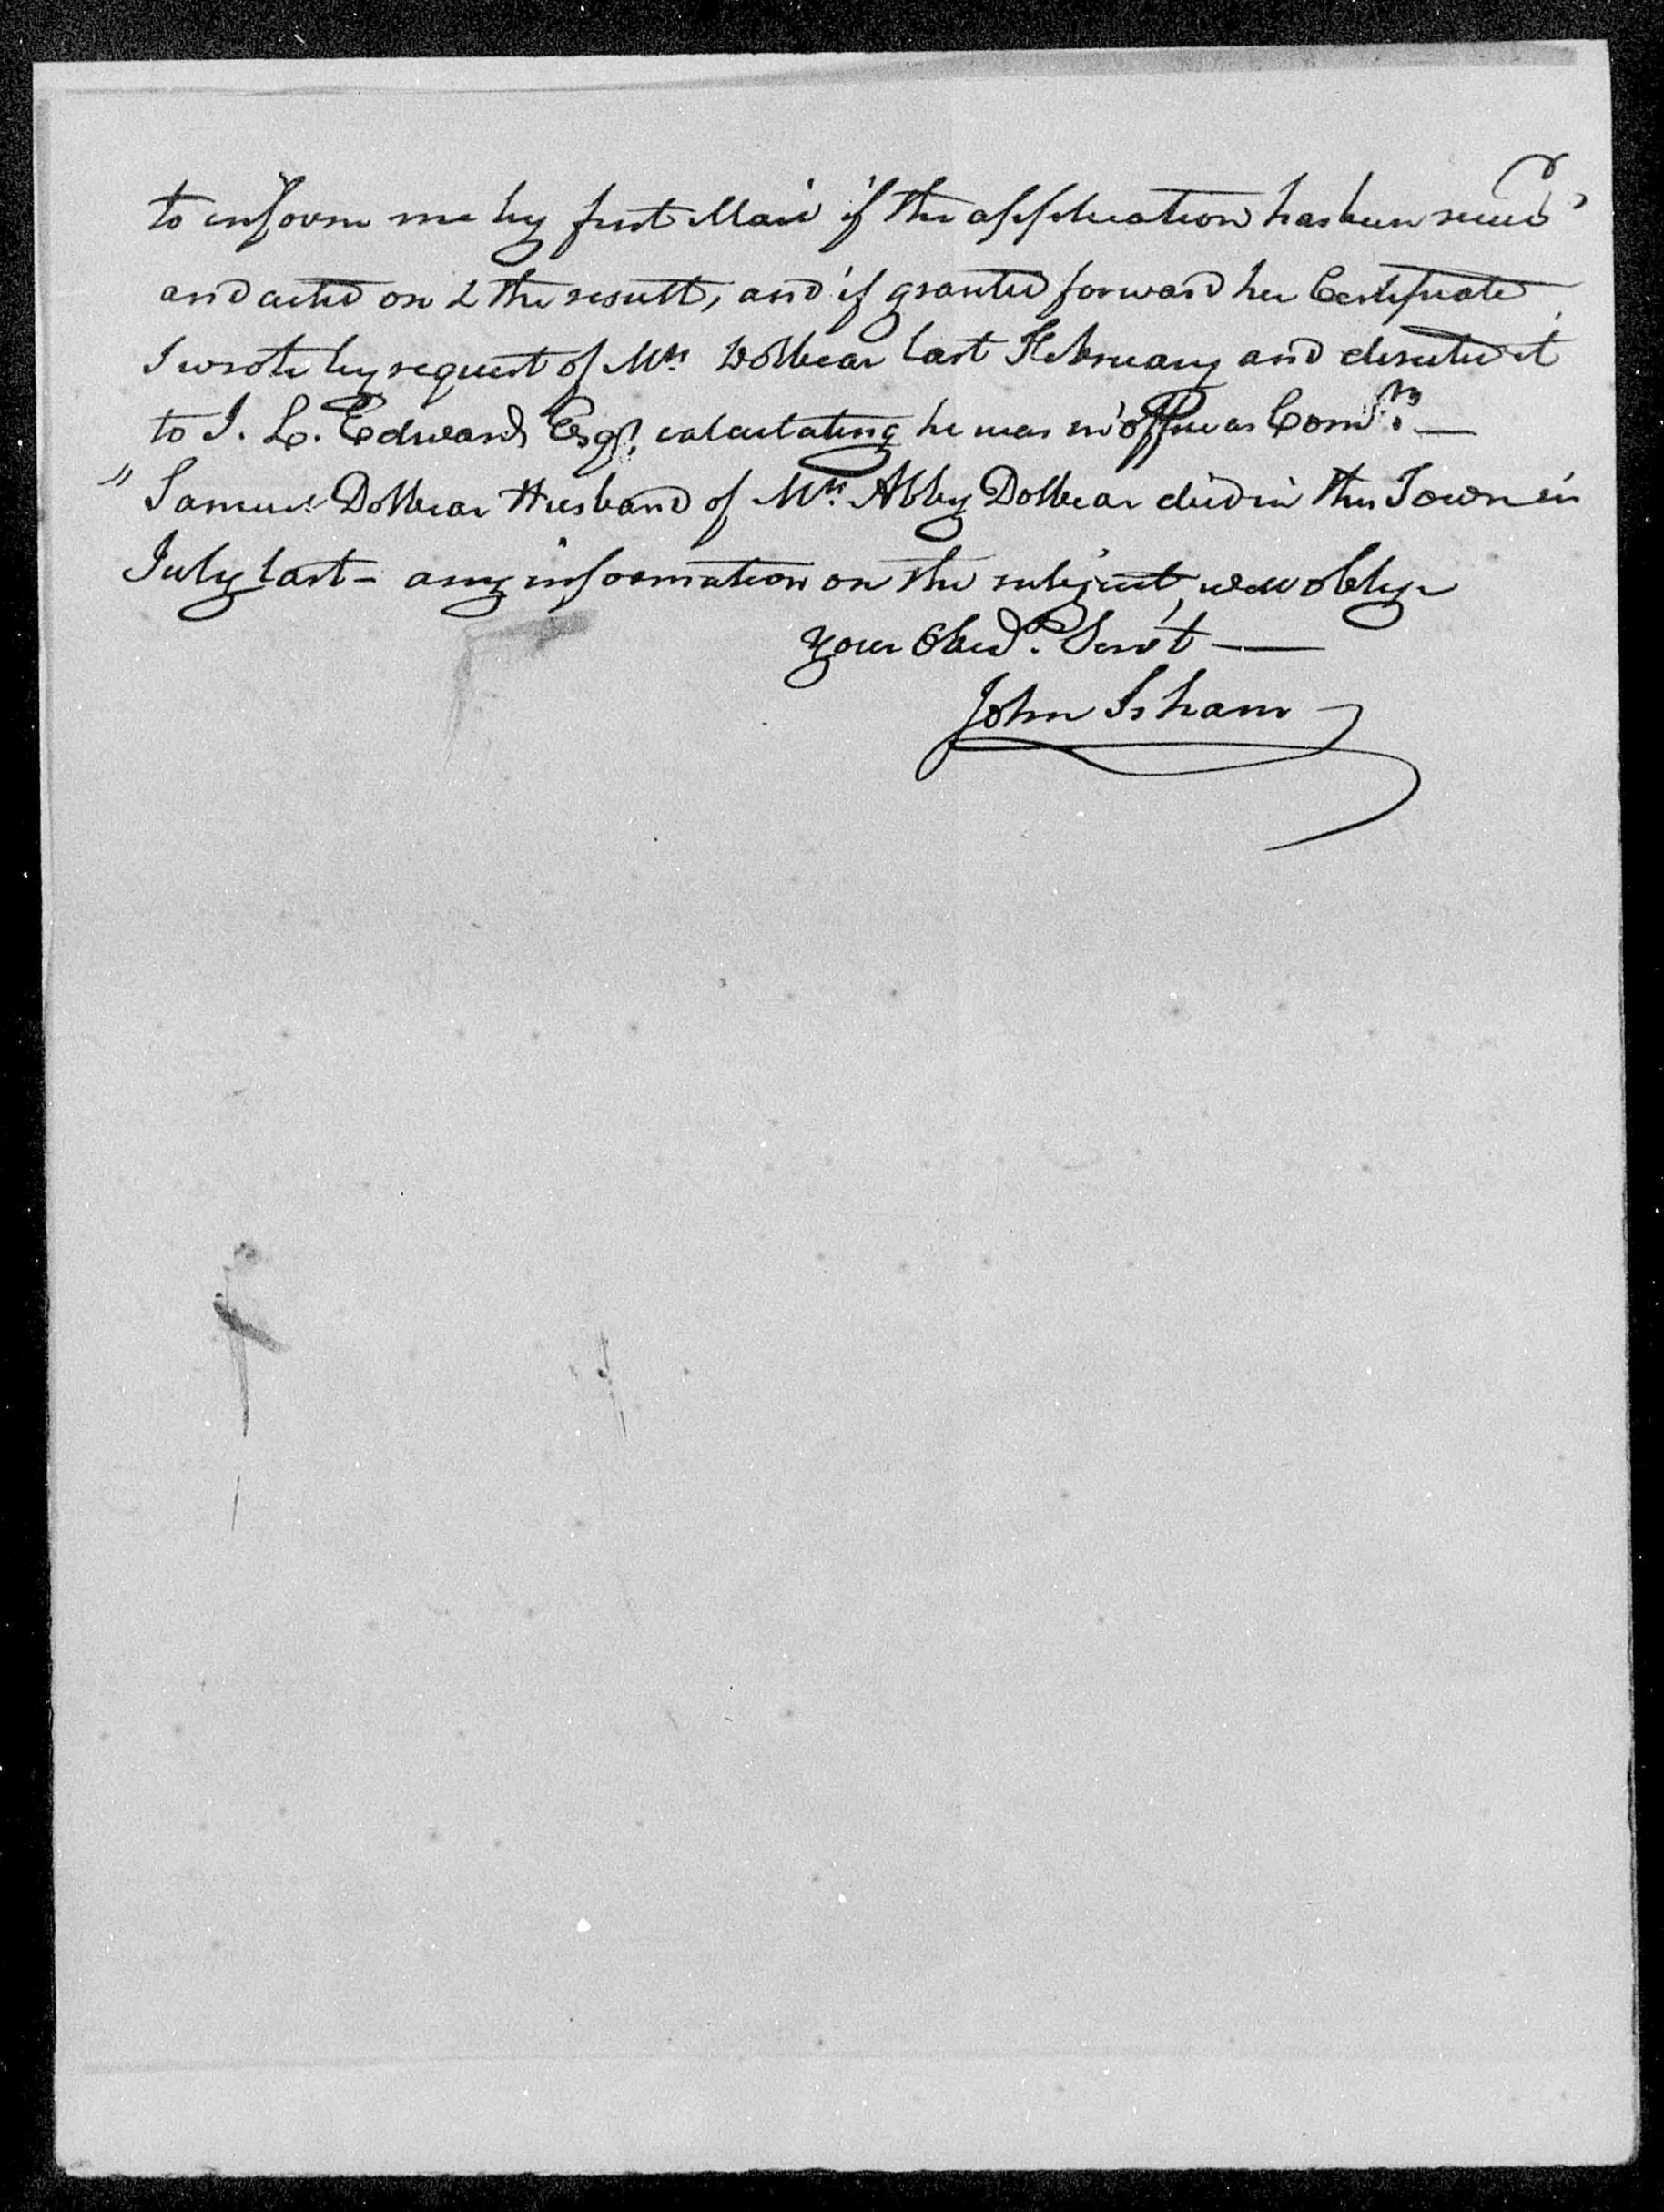to inform me by first mail if the application has been receivd and acted on & the result, and if granted forward her certificate I wrote by request of Mrs. Dolbear last February and directed it to J. L. Edwards Wsq, calculating he was in office as Commr. Samuel Dolbear husband of Mrs. Abby Dolbear died in the Town in July last, any information on the subject will oblige.

Your obedt servt

John Isham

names: John Isham, Samuel Dolbear, J L Edwards, Abby Dolbear, Dolbear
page: 27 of 53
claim: rejected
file: R. 3732, Jesse Fox, Conn.